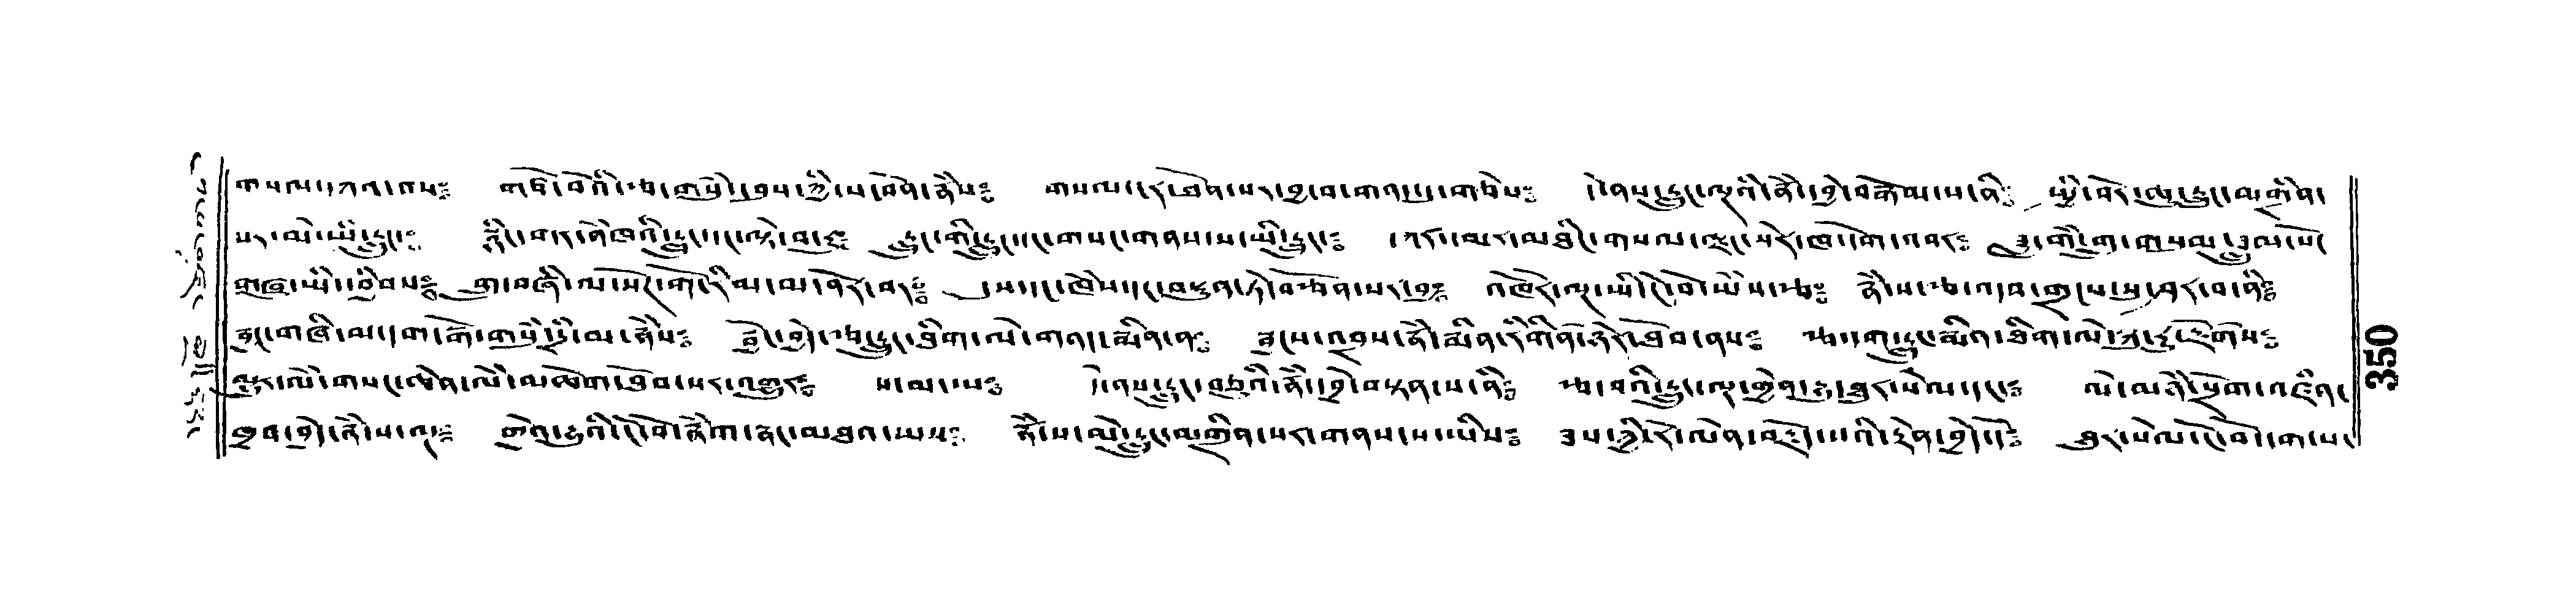གསལ་དཀའ་བས༔ གཙོ་བོའི་རྩ་གསུམ་དབུས་ཀྱི་ས་བོན་རྣམས༔ གསལ་ངར་ཐོན་པར་བྱ་བ་གནད་དུ་གཅེས༔ དེ་ནས་རླུང་ལྔའི་རྣམ་དབྱེ་བསྒོམ་པ་ནི༔ སྤྱི་བོར་ཆུ་རླུང་མགྲིན་
པར་མེ་ཡིས་རླུང༔ སྙིང་གར་ནམ་མཁའི་རླུང་དང་ལྟེ་བ་རུ༔ རླུང་གི་རླུང་དང་གསང་གནས་ས་ཡི་རླུང༔ དཀར་དམར་མཐིང་གསལ་ལྗང་སེར་ཁ་དོག་འབར༔ ཟླ་གམ་གྲུ་གསུམ་ཟླུམ་པོ་
གཞུ་ཡི་དབྱིབས༔ གྲུ་བཞི་ལ་སོགས་གོ་རིམ་མ་ནོར་བར༔ དུས་དང་ཁམས་དང་བསྟུན་ཏེ་བརྩོན་པར་བྱ༔ འཁོར་ལོ་ལྔ་ཡི་ངོ་བོ་ཡེ་ཤེས་རྩ༔ རྣམ་པ་རྩ་འདབ་གྲངས་སུ་ཤར་བ་ནི༔ 
སྦྱང་གཞི་མ་དག་སྒོ་གསུམ་དྲི་མ་རྣམས༔ སྦྱོང་བྱེད་རྩ་རླུང་ཐིག་ལེ་གནད་སྨིན་ན༔ སྦྱངས་འབྲས་རྣམ་སྨིན་རིག་འཛིན་ཉེར་ཐོབ་ནས༔ རྩ་དག་རླུང་སྨིན་ཐིག་ལེ་སྐུ་རུ་རྫོགས༔ 
མྱུར་ལམ་གསང་ཆེན་ལམ་མཆོག་ཐོབ་པར་འགྱུར༔ ས་མ་ཡ༔ དེ་ནས་རླུང་བཅུའི་རྣམ་དབྱེ་བསྟན་པ་ནི༔ རྩ་བའི་རླུང་ལྔ་གྱེན་རྒྱུ་ཐུར་སེལ་དང༔ མེ་མཉམ་སྲོག་འཛིན་
ཁྱབ་བྱེད་རྣམ་པ་ལྔ༔ གྱེན་རྒྱུའི་ངོ་བོ་རྣམ་དག་སྣང་མཐའ་ཡས༔ རྣམ་པ་མེ་རླུང་མགྲིན་པར་གནས་པ་ཡིས༔ ཟས་ཀྱི་རོ་ལེན་བརྗོད་པའི་རྟེན་བྱེད་དོཿ ཐུར་སེལ་ངོ་བོ་དག་པ་